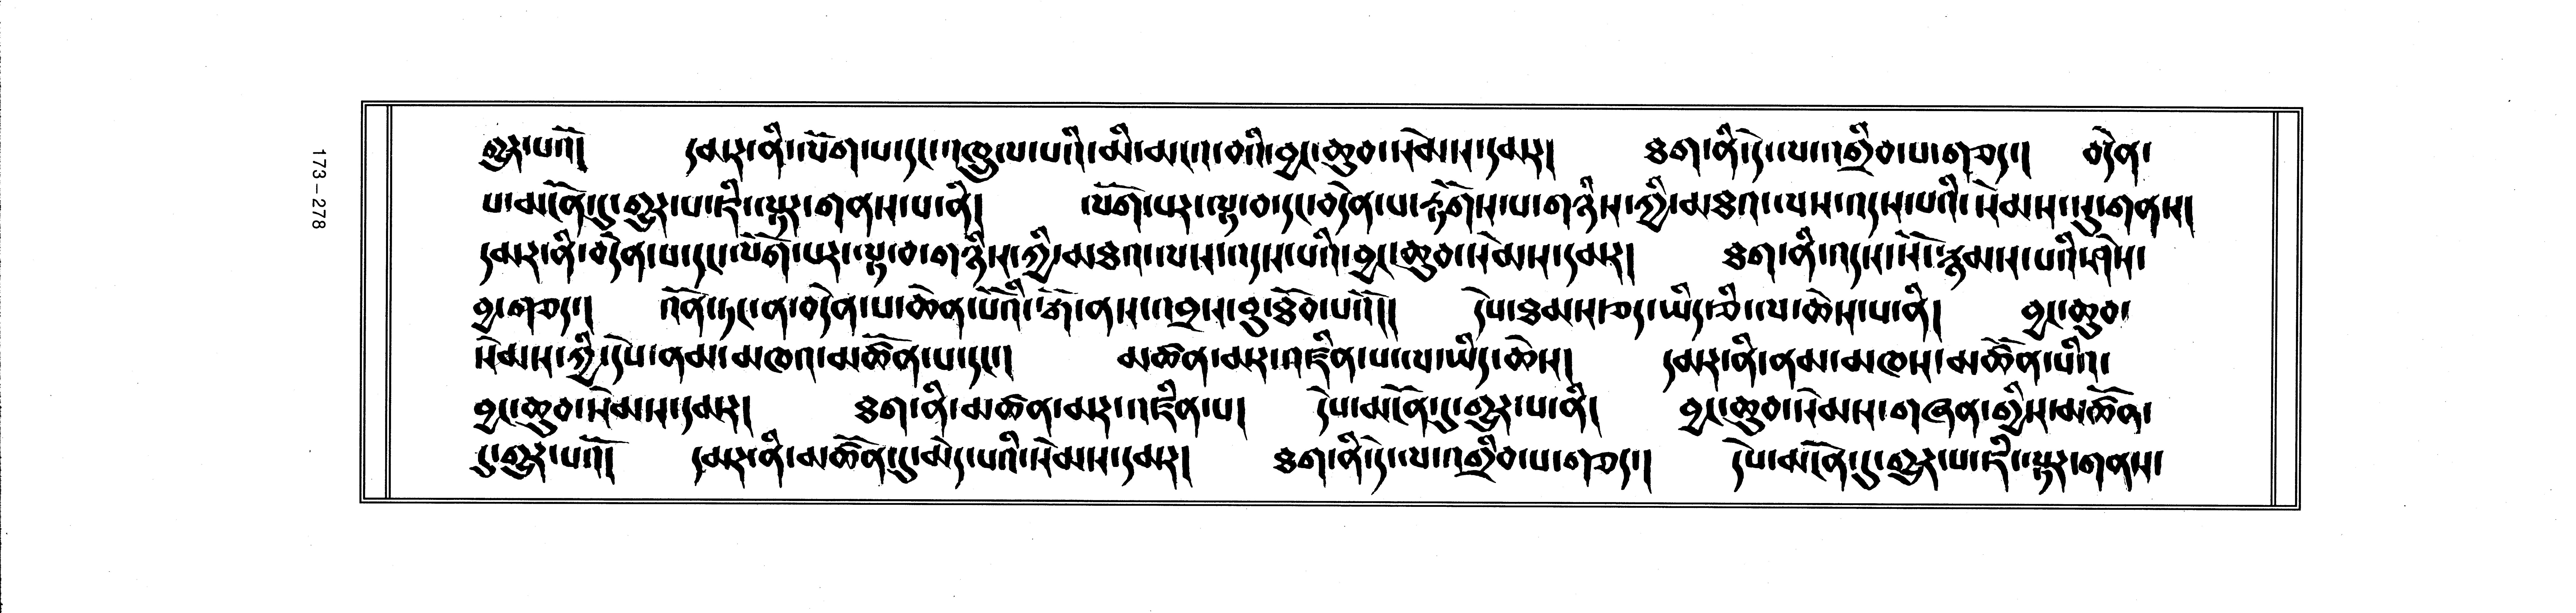གྱུར་པའོ། །དམར་ནི་ལོག་པ་དང་འཁྲུལ་པ་མི་མངའ་བའི་བྱང་ཆུབ་ཀྱི་སེམས་དམར། ཐག་ནི་དེ་ལ་འགྲིབ་པ་གཅད། བདེན་
པ་མངོན་དུ་གྱུར་པ་ཇི་ལྟར་གནས་པ་ནི། ལོག་པར་ལྟ་བ་དང་བདེན་པ་རྟོགས་པ་གཉིས་ཀྱི་མཐའ་ལས་འདས་པའི་སེམས་སུ་གནས། 
དམར་ནི་བདེན་པ་དང་ལོག་པར་ལྟ་བ་གཉིས་ཀྱི་མཐའ་ལས་འདས་པའི་བྱང་ཆུབ་སེམས་དམར། ཐག་ནི་འདས་སོ་སྙམ་པའི་ཤེས་
བྱ་གཅད། འོན་ཏང་ན་བདེན་པ་ཆེན་པོའི་སྒོ་ནས་འབྲས་བུ་ཐོབ་པའོ། །དེས་ཐམས་ཅད་ཡིད་ཅི་ལ་ཆེས་པ་ནི། བྱང་ཆུབ་
སེམས་ཀྱི་དཔེ་ནམ་མཁས་མཚོན་པ་དང་། མཚན་མར་འཛིན་པ་ལ་ཡིད་ཆེས། དམར་ནི་ནམ་མཁས་མཚོན་པའི་
བྱང་ཆུབ་སེམས་དམར། ཐག་ནི་མཚན་མར་འཛིན་པ། དཔེ་མངོན་དུ་གྱུར་པ་ནི། བྱང་ཆུབ་སེམས་གཞན་གྱིས་མཚོན་
དུ་གྱུར་པའོ། །དམར་ནི་མཚོན་དུ་མེད་པའི་སེམས་དམར། ཐག་ནི་དེ་ལ་འགྲིབ་པ་གཅད། དཔེ་མངོན་དུ་གྱུར་པ་ཇི་ལྟར་གནས་